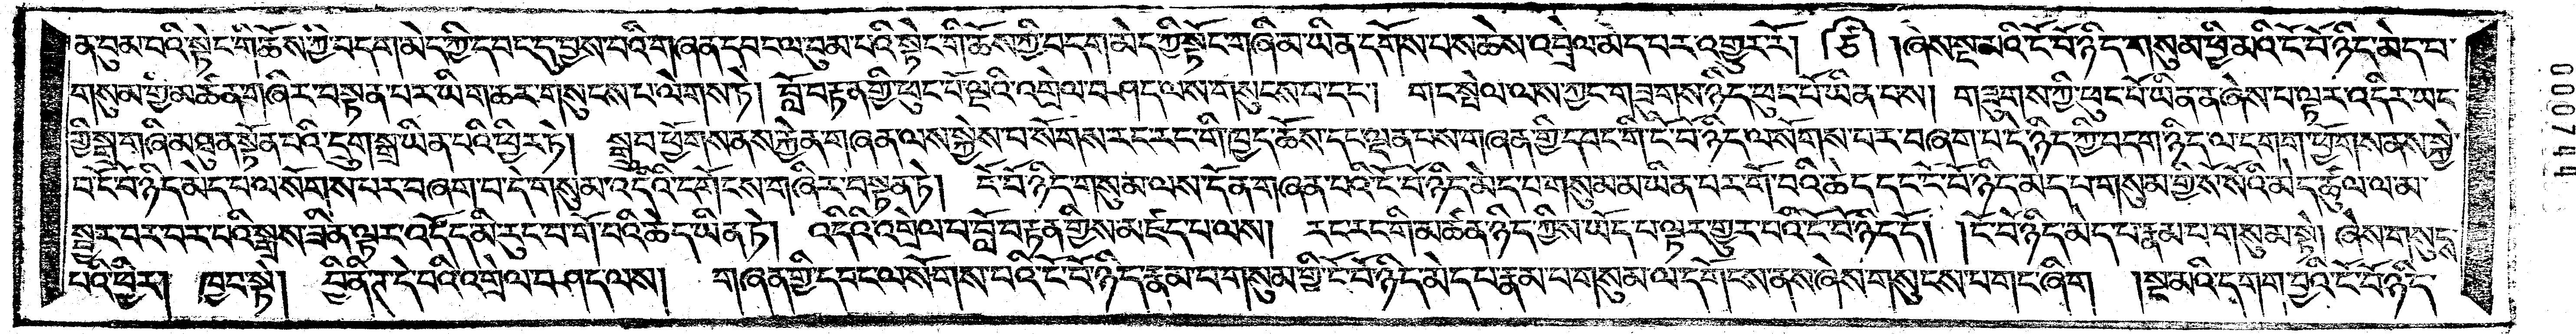ན་བུམ་པའི་སྟེང་གི་ཆོས་ཀྱི་བདག་མེད་ཀྱི་དབང་དུ་བྱས་པའི་གཞན་དབང་ལ་བུམ་པའི་སྟེང་གི་ཆོས་ཀྱི་བདག་མེད་ཀྱི་སྟོང་གཞི་མ་ཡིན་དགོས་པས་ཆེས་འབྲེལ་མེད་པར་འགྱུར་རོ། ༼ཙ༽ །ཞེས་སྔ་མའི་ངོ་བོ་ཉིད་གསུམ་ཕྱི་མའི་ངོ་བོ་ཉིད་མེད་པ་
གསུམ་གྱི་མཚན་གཞིར་བསྟན་པར་ཡིག་ཆར་གསུངས་པ་ལེགས་ཏེ། བློ་བརྟན་གྱི་ཕུང་པོ་ལྔའི་འགྲེལ་བཤད་ལས་གསུངས་པ་དང་། གང་སྤེལ་ལས་ཀྱང་གཟུགས་ཉིད་ཕུང་པོ་ཡིན་པས། གཟུགས་ཀྱི་ཕུང་པོ་ཡིན་ན་ཞེས་པ་ལྟར་འདིར་ཡང་
གྱི་སྒྲ་གཞི་མཐུན་སྟོན་པའི་དྲུག་སྒྲ་ཡིན་པའི་ཕྱིར་ཏེ། སྒྲུབ་ཕྱོགས་ནས་རྐྱེན་གཞན་ལས་སྐྱེས་པ་སོགས་རང་རང་གི་ཁྱད་ཆོས་དང་ལྡན་པས་གཞན་གྱི་དབང་གི་ངོ་བོ་ཉིད་ལ་སོགས་པར་བཞག་པ་དེ་ཉིད་ཀྱི་བདག་ཉིད་ལ་དགག་ཕྱོགས་ནས་སྐྱེ་
བ་ངོ་བོ་ཉིད་མེད་པ་ལ་སོགས་པར་བཞག་པ་དེ་གསུམ་འདིའི་དགོངས་གཞིར་བསྟན་ཏེ། ངོ་བོ་ཉིད་གསུམ་ལས་དོན་གཞན་པའི་ངོ་བོ་ཉིད་མེད་པ་གསུམ་མ་ཡིན་པར་གོ་བའི་ཆེད་དང་ངོ་བོ་ཉིད་མེད་པ་གསུམ་གྱི་སོ་སོའི་མེད་ཚུལ་ལ་མ་
སྦྱར་བར་བར་པའི་སྒྲས་ཟིན་ལྟར་འདོད་མི་རུང་བ་གོ་བའི་ཆེད་ཡིན་ཏེ། འདིའི་འགྲེལ་པ་བློ་བརྟན་གྱིས་མཛད་པ་ལས། རང་རང་གི་མཚན་ཉིད་ཀྱིས་ཡོད་པ་ལྟར་གྱུར་པའི་ངོ་བོ་ཉིད་དོ། །ངོ་བོ་ཉིད་མེད་པ་རྣམ་པ་གསུམ་སྟེ། ཞེས་གསུངས་
པའི་ཕྱིར། ཁྱབ་སྟེ། བྱི་ནི་ཊ་དེ་པའི་འགྲེལ་བཤད་ལས། གཞན་གྱི་དབང་ལ་སོགས་པའི་ངོ་བོ་ཉིད་རྣམ་པ་གསུམ་གྱི་ངོ་བོ་ཉིད་མེད་པ་རྣམ་པ་གསུམ་ལ་དགོངས་ནས་ཞེས་གསུངས་པ་གང་ཞིག །སྔ་མའི་དགག་བྱའི་ངོ་བོ་ཉིད་